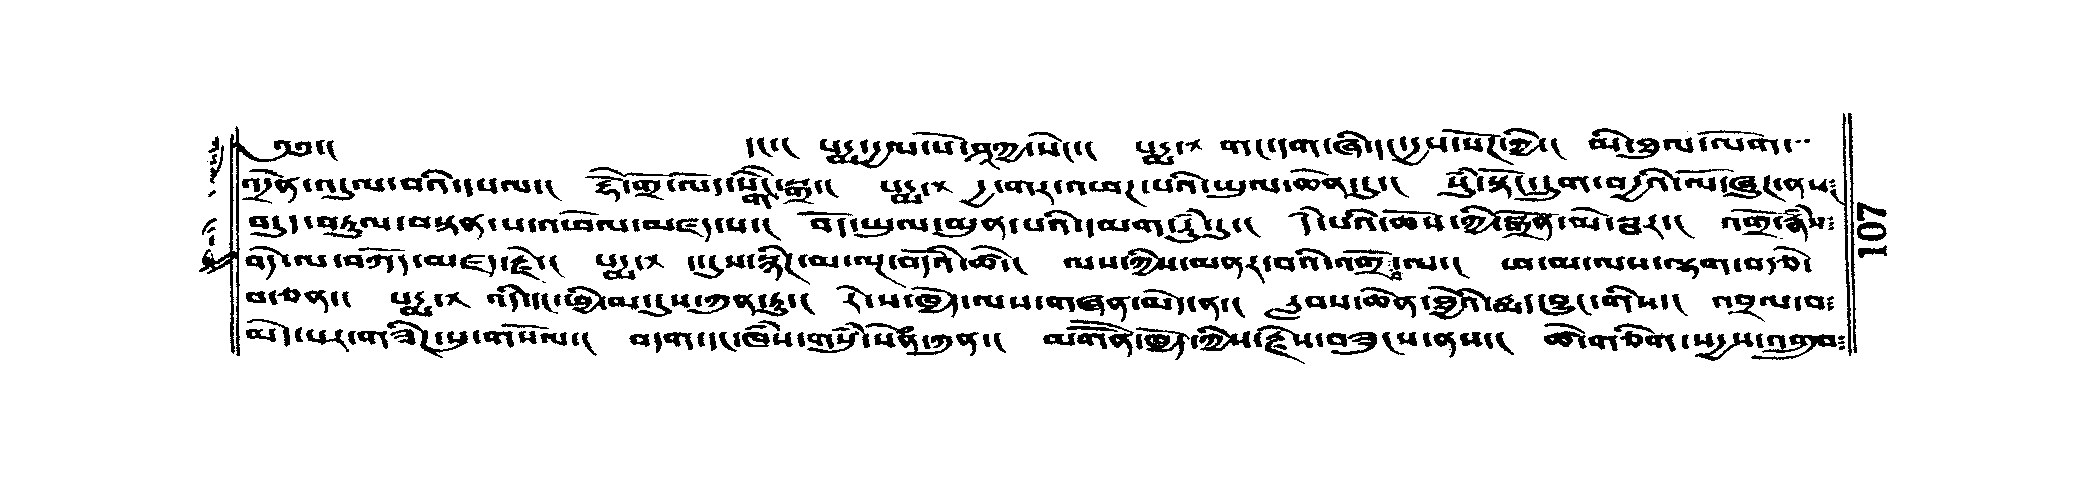དང་། །པདྨ་རྒྱལ་པོ་ཤཱཀྱ་སེང་། །པདྨ༴ །གང་དག་ཞི་དང་རྒྱས་སོགས་ཀྱི། །མི་ཐུལ་ལོག་
འདྲེན་འདུལ་བའི་དཔལ། །རྡོ་རྗེ་གྲོ་ལོད་སེངྒེ་སྒྲ། །པདྨ༴ །རྒྱ་གར་འཕགས་པའི་ཡུལ་ཆེན་དུ། །སུམ་སྟོང་དྲུག་བརྒྱའི་ལོ་ཞུགས་ནས། །
བདུད་བཏུལ་བསྟན་པ་འཕེལ་མཛད་པ། །བོད་ཡུལ་མུན་པའི་སྨག་རུམ་དུ། །དམ་པའི་ཆོས་ཀྱི་སྒོན་མེ་སྦར། །འགྲོ་རྣམས་
བདེ་ལ་བཀོད་མཛད་རྗེ། །པདྨ༴ །ད་དུས་སྙིགས་མ་ལྔ་བདེའི་ཚེ། །ལས་ཀྱི་མནར་བའི་འགྲོ་བ་ལ། །ཕ་མ་ལས་ལྷག་བརྩེ་
བ་ཅན། །པདྨ༴ །འདི་དང་ཕྱི་མ་དུས་ཀུན་ཏུ། །རེ་ས་ཁྱོད་ལས་གཞན་མེད་ན། །རླབས་ཆེན་ཐུགས་རྗེའི་རྨད་བྱུང་གིས། །འབྲལ་བ་
མེད་པར་གཟིགས་སུ་གསོལ། །བདག་དང་ཁམས་གསུམ་སེམས་ཅན་ཀུན། །མགོན་པོ་ཁྱོད་ཀྱིས་རྗེས་བཟུངས་ནས། །ཚེ་གཅིག་སངས་རྒྱས་འགྲུབ་